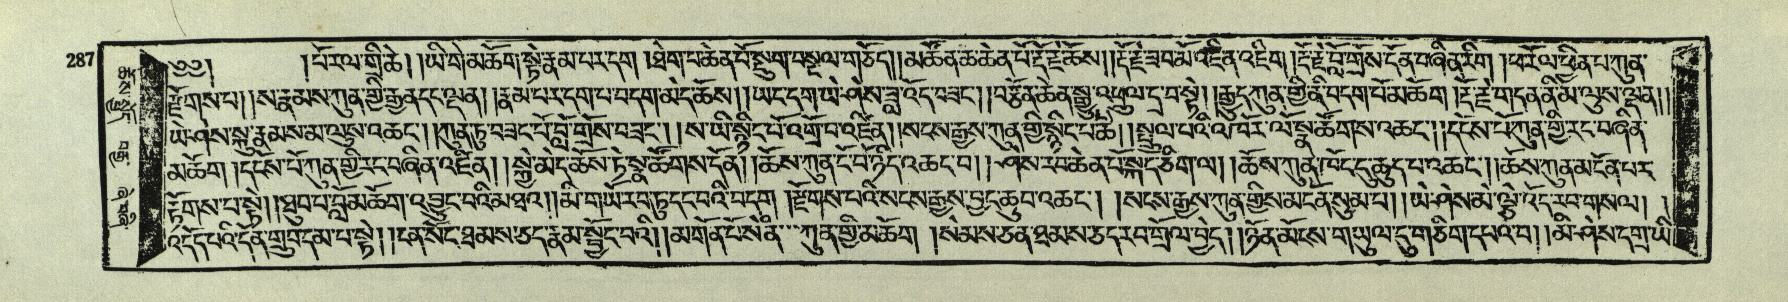༄༅། །པོ་རལ་གྲི་ཆེ། །ཡི་གེ་མཆོག་སྟེ་རྣམ་པར་དག །ཐེག་པ་ཆེན་པོ་སྡུག་བསྔལ་གཅོད། །མཚོན་ཆ་ཆེན་པོ་རྡོ་རྗེ་ཆོས། །རྡོ་རྗེ་ཟབ་མོ་འཛིན་འཇིག །རྡོ་རྗེ་བློ་གྲོས་དོན་བཞིན་རིག །ཕ་རོལ་ཕྱིན་པ་ཀུན་
རྫོགས་པ། །ས་རྣམས་ཀུན་གྱི་རྒྱན་དང་ལྡན། །རྣམ་པར་དག་པ་བདག་མེད་ཆོས། །ཡང་དག་ཡེ་ཤེས་ཟླ་འོད་བཟང་། །བརྩོན་ཆེན་སྒྱུ་འཕྲུལ་དྲ་བ་སྟེ། །རྒྱུད་ཀུན་གྱི་ནི་བདག་པོ་མཆོག །རྡོ་རྗེ་གདན་ནི་མ་ལུས་ལྡན། །
ཡེ་ཤེས་སྐུ་རྣམས་མ་ལུས་འཆང་། །ཀུན་ཏུ་བཟང་པོ་བློ་གྲོས་བཟང་། །ས་ཡི་སྙིང་པོ་འགྲོ་བ་འཛིན། །སངས་རྒྱས་ཀུན་གྱི་སྙིང་པོ་ཆེ། །སྤྲུལ་པའི་འཁོར་ལོ་སྣ་ཚོགས་འཆང་། །དངོས་པོ་ཀུན་གྱི་རང་བཞིན་
མཆོག །དངོས་པོ་ཀུན་གྱི་རང་བཞིན་འཛིན། །སྐྱེ་མེད་ཆོས་ཏེ་སྣ་ཚོགས་དོན། །ཆོས་ཀུན་ངོ་བོ་ཉིད་འཆང་བ། །ཤེས་རབ་ཆེན་པོ་སྐད་ཅིག་ལ། །ཆོས་ཀུན་ཁོང་དུ་ཆུད་པ་འཆང་། །ཆོས་ཀུན་མངོན་པར་
རྟོགས་པ་སྟེ། །ཐུབ་པ་བློ་མཆོག་འབྱུང་བའི་མཐའ། །མི་གཡོ་རབ་ཏུ་དང་བའི་བདག །རྫོགས་པའི་སངས་རྒྱས་བྱང་ཆུབ་འཆང་། །སངས་རྒྱས་ཀུན་གྱིས་མངོན་སུམ་པ། །ཡེ་ཤེས་མེ་ལྕེ་འོད་རབ་གསལ། །
འདོད་པའི་དོན་གྲུབ་དམ་པ་སྟེ། །ངན་སོང་ཐམས་ཅད་རྣམ་སྦྱོང་བའི། །མགོན་པོ་སེཾ་ན་ཀུན་གྱི་མཆོག །སེམས་ཅན་ཐམས་ཅད་རབ་གྲོལ་བྱེད། །ཉོན་མོངས་གཡུལ་དུ་གཅིག་དཔའ་བ། །མི་ཤེས་དགྲ་ཡི་